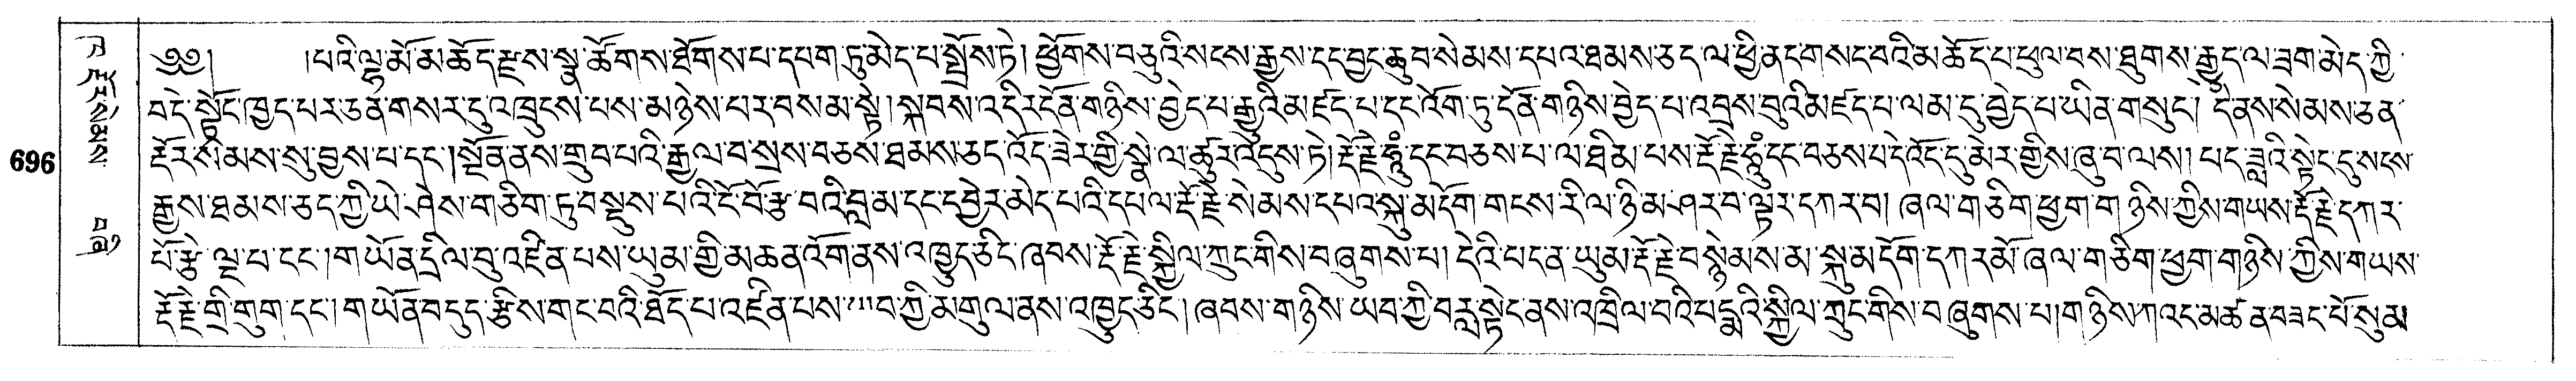༄༅། །པའི་ལྷ་མོ་མཆོད་རྫས་སྣ་ཚོགས་ཐོགས་པ་དཔག་ཏུ་མེད་པ་སྤྲོས་ཏེ། ཕྱོགས་བཅུའི་སངས་རྒྱས་དང་བྱང་ཆུབ་སེམས་དཔའ་ཐམས་ཅད་ལ་ཕྱི་ནང་གསང་བའི་མཆོད་པ་ཕུལ་བས་ཐུགས་རྒྱུད་ལ་ཟག་མེད་ཀྱི་
བདེ་སྟོང་ཁྱད་པར་ཅན་གསར་དུ་འཁྲུངས་པས་མཉེས་པར་བསམ་སྟེ། སྐབས་འདིར་དོན་གཉིས་བྱེད་པ་རྒྱུའི་མཛད་པ་དང་འོག་ཏུ་དོན་གཉིས་བྱེད་པ་འབྲས་བུའི་མཛད་པ་ལམ་དུ་བྱེད་པ་ཡིན་གསུང་། དེ་ནས་སེམས་ཅན་
རྡོར་སེམས་སུ་བྱས་པ་དང་། སྔོན་ནས་གྲུབ་པའི་རྒྱལ་བ་སྲས་བཅས་ཐམས་ཅད་འོད་ཟེར་གྱི་སྣེ་ལ་ཚུར་འདུས་ཏེ། རྡོ་རྗེ་ཧཱུཾ་དང་བཅས་པ་ལ་ཐིམ་པས་རྡོ་རྗེ་ཧཱུཾ་དང་བཅས་པ་དེ་འོད་དུ་མེར་གྱིས་ཞུ་བ་ལས། པད་ཟླའི་སྟེང་དུ་སངས་
རྒྱས་ཐམས་ཅད་ཀྱི་ཡེ་ཤེས་གཅིག་ཏུ་བསྡུས་པའི་ངོ་བོ་རྩ་བའི་བླ་མ་དང་དབྱེར་མེད་པའི་དཔལ་རྡོ་རྗེ་སེམས་དཔའ་སྐུ་མདོག་གངས་རིལ་ཉི་མ་ཤར་བ་ལྟར་དཀར་བ། ཞལ་གཅིག་ཕྱག་གཉིས་ཀྱིས་གཡས་རྡོ་རྗེ་དཀར་
པོ་རྩེ་ལྔ་པ་དང་། གཡོན་དྲིལ་བུ་འཛིན་པས་ཡུམ་གྱི་མཚན་འོག་ནས་འཁྱུད་ཅིང་ཞབས་རྡོ་རྗེ་སྐྱིལ་ཀྲུང་གིས་བཞུགས་པ། དེའི་པད་ན་ཡུམ་རྡོ་རྗེ་བསྙེམས་མ་སྐུ་མདོག་དཀར་མོ་ཞལ་གཅིག་ཕྱག་གཉིས་ཀྱིས་གཡས་
རྡོ་རྗེ་གྲི་གུག་དང་། གཡོན་བདུད་རྩིས་གང་བའི་ཐོད་པ་འཛིན་པས་ཡབ་ཀྱི་མགུལ་ནས་འཁྱུད་ཅིང་། ཞབས་གཉིས་ཡབ་ཀྱི་བརླ་སྟེང་ནས་འཁྲིལ་བའི་པདམའི་སྐྱིལ་ཀྲུང་གིས་བཞུགས་པ། གཉིས་ཀའང་མཚན་བཟང་པོ་སུམ་